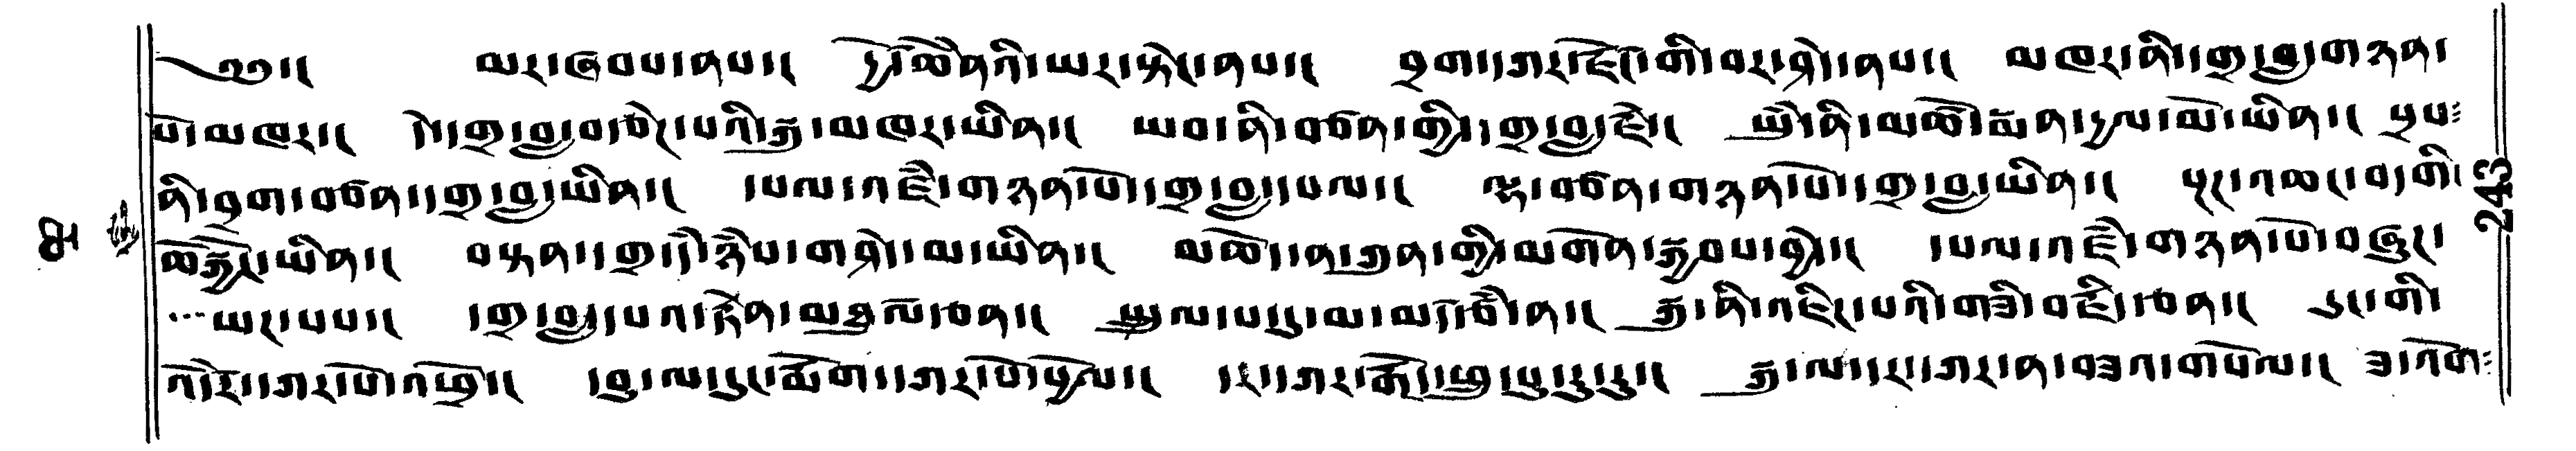མར་ཞབས་ནས། །རྒྱ་མཚོ་ཆེན་པོའི་ཡང་སྟེང་ནས། །བྲག་དཀར་རྫོང་གི་བར་ཤེད་ནས། །མཁར་ནི་དགྲ་བླ་གཉན་
པོའི་མཁར། །དེ་དགྲ་བླ་བརྩེགས་པའི་སྐུ་མཁར་ཡིན། །ཡབ་ནི་བཙན་གྱི་དགྲ་བླ་རྗེ། །ཡུམ་ནི་མཚོ་སྨན་རྒྱལ་མོ་ཡིན། །སྲས་
ནི་བྲག་བཙན་དགྲ་བླ་ཡིན། །དཔལ་འཛོམ་གཉན་པོ་དགྲ་བླ་དཔལ། །ལྷ་བཙན་གཉན་པོ་དགྲ་བླ་ཡིན། །སྔགས་འཆང་བདག་གི་
ཆོས་སྐྱོང་ཡིན། །བསྟན་དགྲ་དམ་ཉམས་གཤེད་མ་ཡིན། །མཆོད་ན་ཀུན་གྱི་མགོན་སྐྱབས་བྱེད། །དཔལ་འཛོམ་གཉན་པོ་བཞུགས་
ལགས་པས། །དགྲ་བླ་དཔའ་རྟེན་མཐུ་རྩལ་ཅན། །སྤྲུལ་པ་དུ་མ་མཛད་ཙམ་ན། །སྐུ་ནི་འཇིགས་པའི་གཟི་བརྗིད་ཅན། །དུང་གི་
འོད་ཟེར་དཀར་པོ་འཕྲོ། །དབུ་ལ་དུང་རྨོག་དཀར་པོ་གསོལ། །དར་དཀར་རྒོད་ཕྲུ་པུ་རུ་རུ། །སྐུ་ལ་དར་དཀར་ན་བཟའ་གསོལ། །ཟ་འོག་